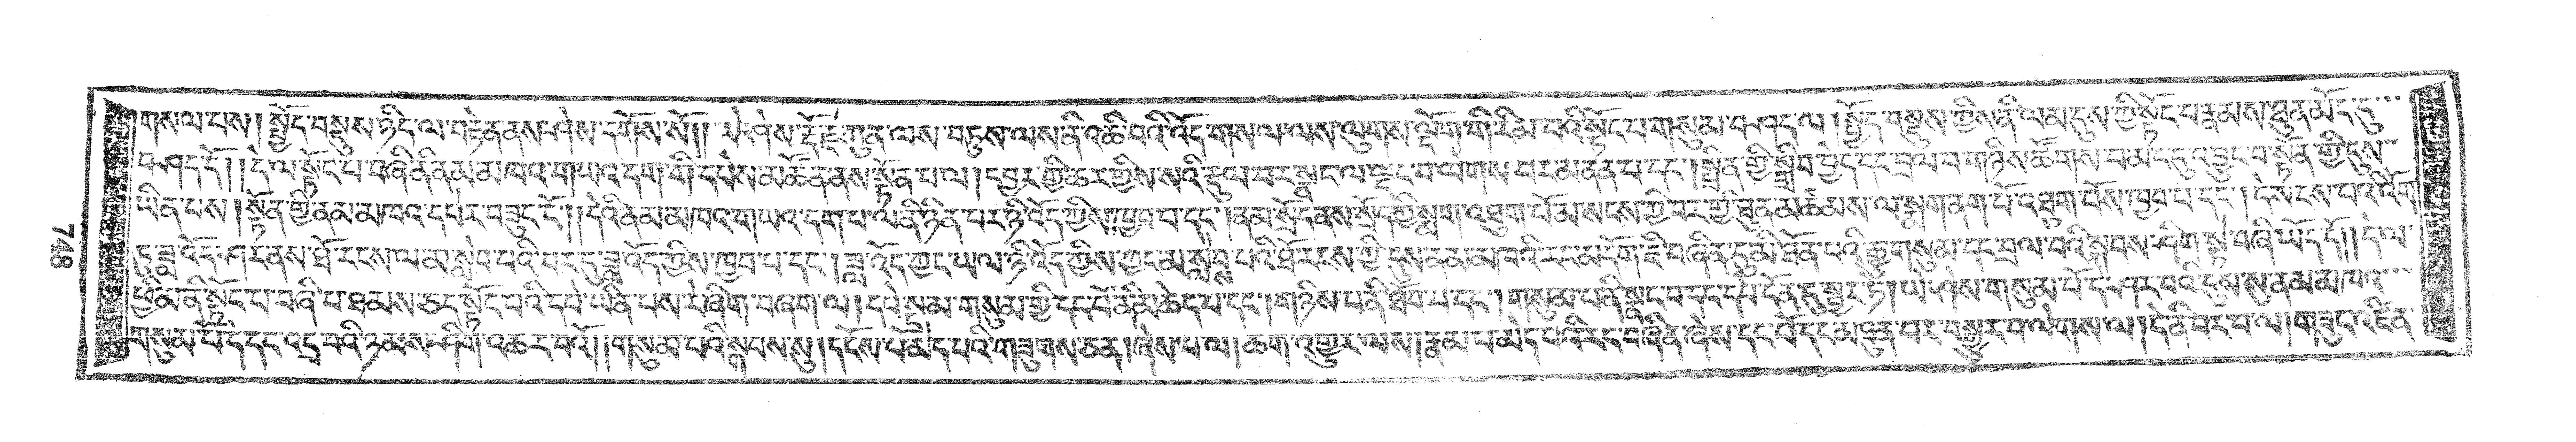གསལ་བས། སྤྱོད་བསྡུས་ཉིད་ལ་བརྟེན་ནས་ཤེས་དགོས་སོ། །ཡེ་ཤེས་རྡོ་རྗེ་ཀུན་ལས་བཏུས་ལས་ནི་འཆི་བའི་འོད་གསལ་ལས་ལུགས་ལྡོག་གི་རིམ་པའི་སྟོང་པ་གསུམ་བཤད་ལ། སྤྱོད་བསྡུས་ཀྱིས་ནི་ལམ་དུས་ཀྱི་སྟོང་པ་རྣམས་ཐུན་མོང་དུ་
བཤད་དོ། །དེ་ལ་སྟོང་པ་བཞི་ནི་ནམ་མཁའ་གཡའ་དག་གི་དཔེས་མཚོན་ནས་སྟེན་པ་ལ། དབྱར་གྱི་ཆར་གྱིས་སའི་རྡུལ་བར་སྣང་ལ་ལྡང་བ་ལེགས་པར་མནན་པ་དང་། སྤྲིན་གྱི་སྒྲིབ་བྱེད་དང་བྲལ་བ་གཉིས་ཚོགས་པ་མང་དུ་འབྱུང་བ་སྟོན་གྱི་དུས་
ཡིན་པས། སྟོན་གྱི་ནམ་མཁའ་དཔེར་བཟུང་ངོ། །དེའི་ནམ་མཁའ་གཡའ་དག་པ་ལ་ནི་ཉིན་པར་ཉི་འོད་ཀྱིས་ཁྱབ་པ་དང་། ནམ་སྲོད་ནས་སྲོད་ཀྱི་སྨག་འཐུག་པོ་མ་སངས་ཀྱི་བར་གྱི་ཐུན་མཚམས་ལ་སྨག་ནག་པོ་འཐུག་པོས་ཁྱབ་པ་དང་། དེ་སངས་པའི་འོག་
ཏུ་ཟླ་འོད་ཤར་ནས་ཐོ་རངས་ལ་མ་སླེབ་པའི་བར་དུ་ཟླ་འོད་ཀྱིས་ཁྱབ་པ་དང་། ཟླ་འོད་ཀྱང་ཡལ་ཉི་འོད་ཀྱིས་ཀྱང་མ་སླེབས་པའི་ཐོ་རངས་ཀྱི་དུས་ནམ་མཁའི་རང་མདོག་ཇི་བཞིན་དུ་མི་ཐོན་པའི་རྒྱུ་གསུམ་དང་བྲལ་བའི་སྐབས་ཤིག་སྟེ་བཞི་ཡོད་དོ། །དེ་ལ་
ཕྱི་མ་ནི་སྟོང་པ་བཞི་པ་ཐམས་ཅད་སྟོང་པའི་དཔེ་ཡིན་པས་རེ་ཞིག་བཞག་ལ། དཔེ་སྔ་མ་གསུམ་གྱི་དང་པོ་ནི་མཆེད་པ་དང་། གཉིས་པ་ནི་ཐོབ་པ་དང་། གསུམ་པ་ནི་སྣང་བ་དང་དཔེ་དོན་དུ་སྦྱར་ཏེ། ཡེ་ཤེས་གསུམ་པོ་དེ་ཤར་བའི་དུས་སུ་ནམ་མཁའ་
གསུམ་པོ་དེ་དང་འདྲ་བའི་ཉམས་ཤིག་འཆར་བའོ། །གསུམ་པའི་སྐབས་སུ། དངོས་པོ་མེད་པའི་གཟུགས་ཅན། ཞེས་པ་ལ། ཆག་འགྱུར་ལས། རྣམ་པ་མེད་པའི་རང་བཞིན་ཞེས་དང་པོ་དང་མཐུན་པར་བསྒྱུར་བ་ལེགས་ལ། དེ་ནི་བར་པ་ལ། གཟུང་འཛིན་